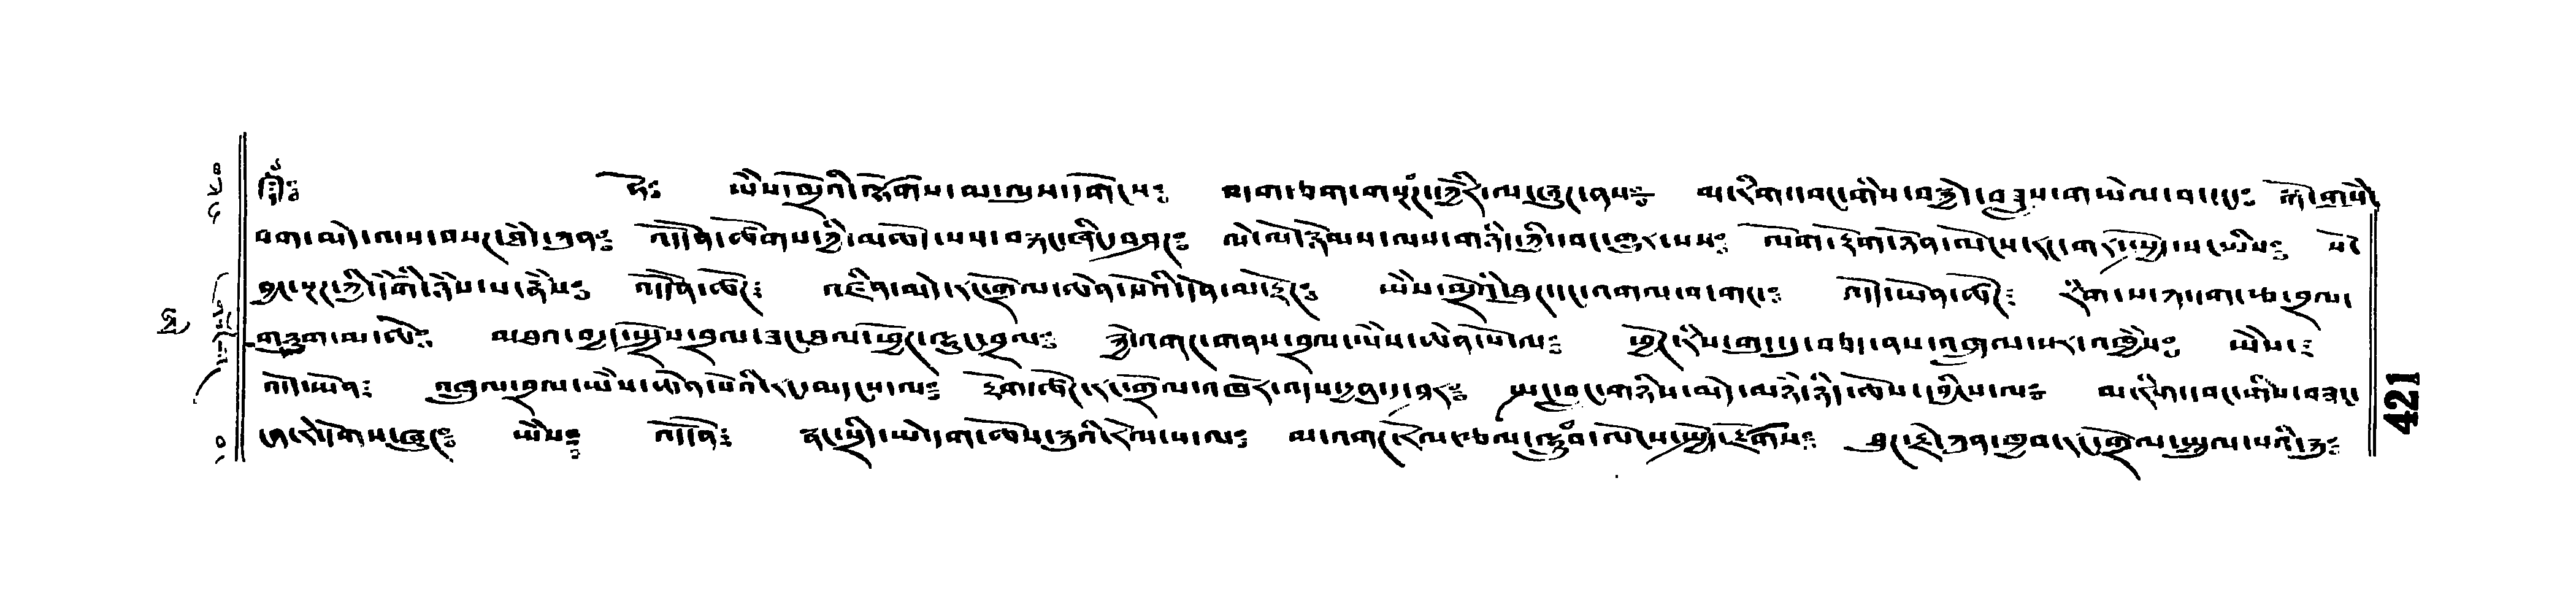ཧོཿ ཡེ་ཤེས་མཁའ་འགྲོའི་ལྷ་ཚོགས་མ་ལུས་དགོངས༔ བདག་ཅག་གསང་སྔགས་དཀྱིལ་འཁོར་ལ་ཞུགས་ནས༔ མ་རིག་དབང་གིས་བསྐྱེད་བཟླས་གཡེལ་བ་དང༔ སྒོ་གསུམ་
བག་མེད་ལས་བསགས་ཐམས་ཅད་ཀུན༔ འདོད་ཡོན་ཚོགས་ཀྱི་མཆོད་པས་བསྐང་ཞིང་བཤགས༔ ལེ་ལོ་སྙོམས་ལས་གཉིད་ཀྱི་དབང་གྱུར་པས༔ ལོག་རྟོག་ཉོན་མོངས་རང་གར་སྤྱད་པ་ཡིས༔ སོ་
བྱང་སྔགས་ཀྱི་དམ་ཚིག་ཉམས་པ་རྣམས༔ འདོད་ཡོན་ཚོགས༴ འཛིན་མེད་རང་གྲོལ་ཆེན་པོའི་དོན་མ་རྟོགས༔ ཡེ་ཤེས་མཁའ་འགྲོའི་ཐུགས་དང་འགལ་བ་གང༔ འདོད་ཡོན་ཚོགས༴ རིག་པ་ཀ་དག་རྩ་བྲལ་
གཉུག་མ་ཆེཿ མཐའ་བརྒྱད་སྤྲོས་བྲལ་ཟང་ཐལ་ཕྱོགས་ལྷུང་བྲལ༔ སྐྱེ་འགག་གནས་བྲལ་ཡེ་ཤེས་ཆེན་པོ་ལ༔ ཕྱོགས་རིས་གུད་དུ་བཅད་ནས་འཁྲུལ་པར་འཁྱམས༔ ཡེ་ཤེས་
འདོད་ཡོན༴ འཁྲུལ་བྲལ་ཡེ་ཤེས་ཆེན་པོའི་རང་མདངས་ལ༔ རྟོག་ཚོགས་རང་གྲོལ་འཁོར་འདས་རྒྱན་དུ་ཤར༔ སྤང་བླང་གཉིས་མེད་མཉམ་ཉིད་ཆོས་དབྱིངས་ལ༔ མ་རིག་དབང་གིས་བཟང་
ངན་རེ་དོགས་ཞུགས༔ ཡེ་ཤེས་མཁའ་འགྲོའི༴ འདོད་ཡོན༴ སྣང་སྲིད་ཡེ་དག་ཆོས་སྐུའི་རོལ་པ་ལ༔ མ་འགགས་རོལ་རྩལ་ལྷུན་གྲུབ་ལོངས་སྤྱོད་རྫོགས༔ ཐུགས་རྗེ་ཀུན་ཁྱབ་རང་གྲོལ་སྤྲུལ་པའི་སྐུ༔